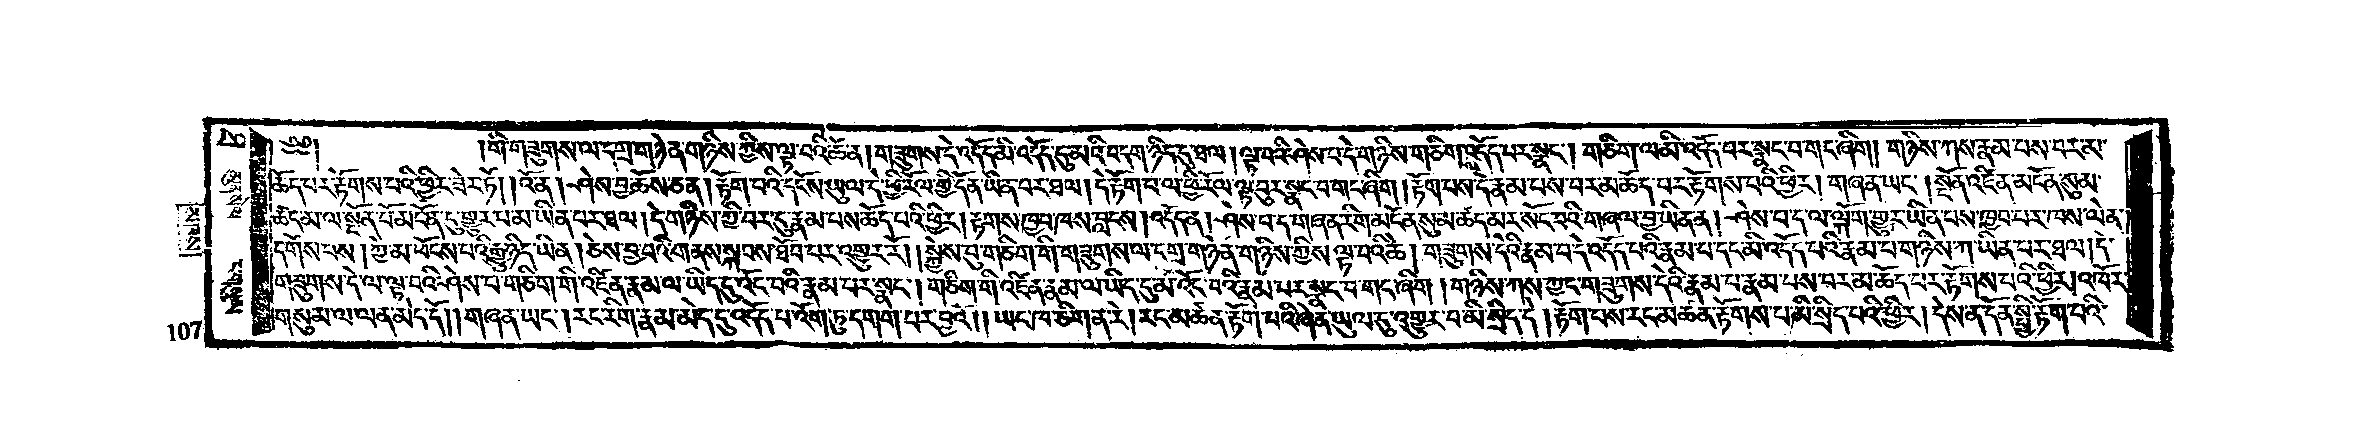༄༅། །གི་གཟུགས་ལ་དགྲ་གཉེན་གཉིས་ཀྱིས་ལྟ་བའི་ཚེ་ན། གཟུགས་དེ་འདོད་མི་འདོད་དུ་མའི་བདག་ཉིད་དུ་ཐལ། ལྟ་བའི་ཤེས་པ་དེ་གཉིས་གཅིག་ལ་འདོད་པར་སྣང་། གཅིག་ལ་མི་འདོད་པར་སྣང་བ་གང་ཞིག ། གཉིས་ཀས་རྣམ་པས་བར་མ་
ཆོད་པར་རྟོགས་པའི་ཕྱིར་ཟེར་ཏོ། ?་།འོ་ན། ཤེས་བྱ་ཆོས་ཅན། རྟོག་པའི་དངོས་ཡུལ་དེ་ཕྱི་རོལ་གྱི་དོན་ཡིན་པར་ཐལ། དེ་རྟོག་པ་ལ་ཕྱི་རོལ་ལྟ་བུར་སྣང་བ་གང་ཞིག ། རྟོག་པས་དེ་རྣམ་པས་བར་མ་ཆོད་པར་རྟོགས་པའི་ཕྱིར། གཞན་ཡང་། སྔོན་འཛིན་མངོན་སུམ་
ཚད་མ་ལ་སྔོན་པོ་མངོན་དུ་གྱུར་པ་མ་ཡིན་པར་ཐལ། དེ་གཉིས་ཀྱི་བར་དུ་རྣམ་པས་ཆོད་པའི་ཕྱིར། རྟགས་ཁྱབ་ཁས་བླངས། འདོད་ན། ཤེས་པ་དེ་གཞན་རིག་མངོན་སུམ་ཚད་མར་སོང་བའི་གཞལ་བྱ་ཡིན་ན། ཤེས་པ་དེ་ལ་ལྐོག་གྱུར་ཡིན་པས་ཁྱབ་པར་ཁས་ལེན་
དགོས་པས། ཀྱེ་མ་ཕོངས་པའི་རྒྱུ་ཉིད་ཡིན། ཅེས་བྱ་བའི་གནས་སྐབས་ཐོབ་པར་འགྱུར་རོ། །སྐྱེས་བུ་གཅིག་གི་གཟུགས་ལ་དགྲ་གཉེན་གཉིས་ཀྱིས་ལྟ་བའི་ཚེ། གཟུགས་དེའི་རྣམ་པ་དེ་འདོད་པའི་རྣམ་པ་དང་མི་འདོད་པའི་རྣམ་པ་གཉིས་ཀ་ཡིན་པར་ཐལ། དེ་
གཟུགས་དེ་ལ་ལྟ་བའི་ཤེས་པ་གཅིག་གི་འཛིན་རྣམ་ལ་ཡིད་དུ་འོང་བའི་རྣམ་པར་སྣང་། གཅིག་གི་འཛིན་རྣམ་ལ་ཡིད་དུ་མི་འོང་བའི་རྣམ་པར་སྣང་བ་གང་ཞིག །གཉིས་ཀས་ཀྱང་གཟུགས་དེའི་རྣམ་པ་རྣམ་པས་བར་མ་ཆོད་པར་རྟོགས་པའི་ཕྱིར། འཁོར་
གསུམ་ལ་ལན་མེད་དོ། །གཞན་ཡང་། རང་རིག་རྣམ་མེད་དུ་འདོད་པ་འོག་ཏུ་དགག་པར་བྱའོ། །ཡང་ཁ་ཅིག་ན་རེ། རང་མཚན་རྟོག་པའི་ཞེན་ཡུལ་དུ་འགྱུར་བ་མི་སྲིད་དེ། རྟོག་པས་རང་མཚན་རྟོགས་པ་མི་སྲིད་པའི་ཕྱིར། དེས་ན་དོན་སྤྱི་རྟོག་པའི་